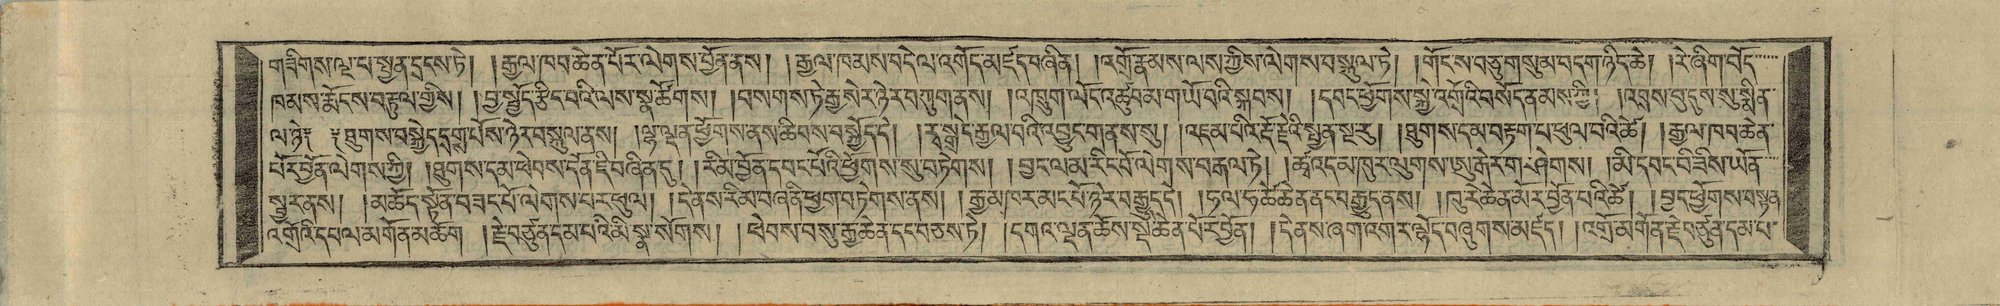གཟིགས་ལྔ་པ་སྤྱན་དྲངས་ཏེ། །རྒྱལ་ཁབ་ཆེན་པོར་ལེགས་བྱོན་ནས། །རྒྱལ་ཁམས་བདེ་ལ་འགོད་མཛད་བཞིན། །འགྲོ་རྣམས་ལས་ཀྱིས་ལེགས་བསྐུལ་ཏེ། །གོང་ས་བཅུ་གསུམ་བདག་ཉིད་ཆེ། །རེ་ཞིག་བོད་
ཁམས་རྨོངས་བརྟུལ་གྱིས། །བྱ་སྤྱོད་རྩིང་བའི་ལས་སྣ་ཚོགས། །བསགས་ཏེ་རྒྱ་སེར་ཉེར་བཀུག་ནས། །འཁྲུག་ལོང་འཚུབ་མ་གཡོ་བའི་སྐབས། །དབང་ཕྱོགས་སྐྱེ་འགྲོའི་བསོད་ནམས་ཀྱི། །འབྲས་བུ་དུས་སུ་སྨིན་
ལ་ཉེ། །ཐུགས་བསྐྱེད་དྲགས་པོས་ཉེར་བསྐུལ་ནས། །ལྷ་ལྡན་ཕྱོགས་ནས་ཆིབས་བསྐྱོད་དེ། །རྭ་སྒྲེང་རྒྱལ་བའི་འབྱུང་གནས་སུ། །འཇམ་པའི་རྡོ་རྗེའི་སྤྱན་སྔ་རུ། །ཐུགས་དམ་བརྟག་པ་ཕུལ་བའི་ཚེ། །རྒྱལ་ཁབ་ཆེན་
པོར་བྱོན་ལེགས་ཀྱི། །ཐུགས་དམ་ཕེབས་དོན་ཇི་བཞིན་དུ། །རིམ་བྱོན་དབང་པོའི་ཕྱོགས་སུ་བཏེགས། །བྱང་ལམ་རིང་བོ་ལེགས་བརྒལ་ཏེ། །ཚྭ་འདམ་ཁུར་ལུགས་ཨུ་རྒེར་གཤེགས། །མི་དབང་བི་ཟིས་ཡོན་
སྦྱར་ནས། །མཆོད་སྟོན་བཟང་པོ་ལེགས་པར་ཕུལ། །དེ་ནས་རིམ་བཞིན་ཕྱག་བཏེགས་ནས། །རྒྱ་མཁར་མང་པོ་ཉེར་བརྒྱུད་དེ། །ཧལ་ཧ་ཚེ་ཆེན་ནང་བརྒྱུད་ནས། །ཁུ་རེ་ཆེན་མོར་བྱོན་པའི་ཚེ། །བྱང་ཕྱོགས་བསྟན་
འགྲོའི་དཔལ་མགོན་མཆོག །རྗེ་བཙུན་དམ་པའི་མི་སྣ་སོགས། །ཕེབས་བསུ་རྒྱ་ཆེན་དང་བཅས་ཏེ། །དགའ་ལྡན་ཆོས་སྡེ་ཆེན་པོར་བྱོན། །དེ་ནས་ཞག་འགར་ལྷོད་བཞུགས་མཛད། །འགྲོ་མགོན་རྗེ་བཙུན་དམ་པ་